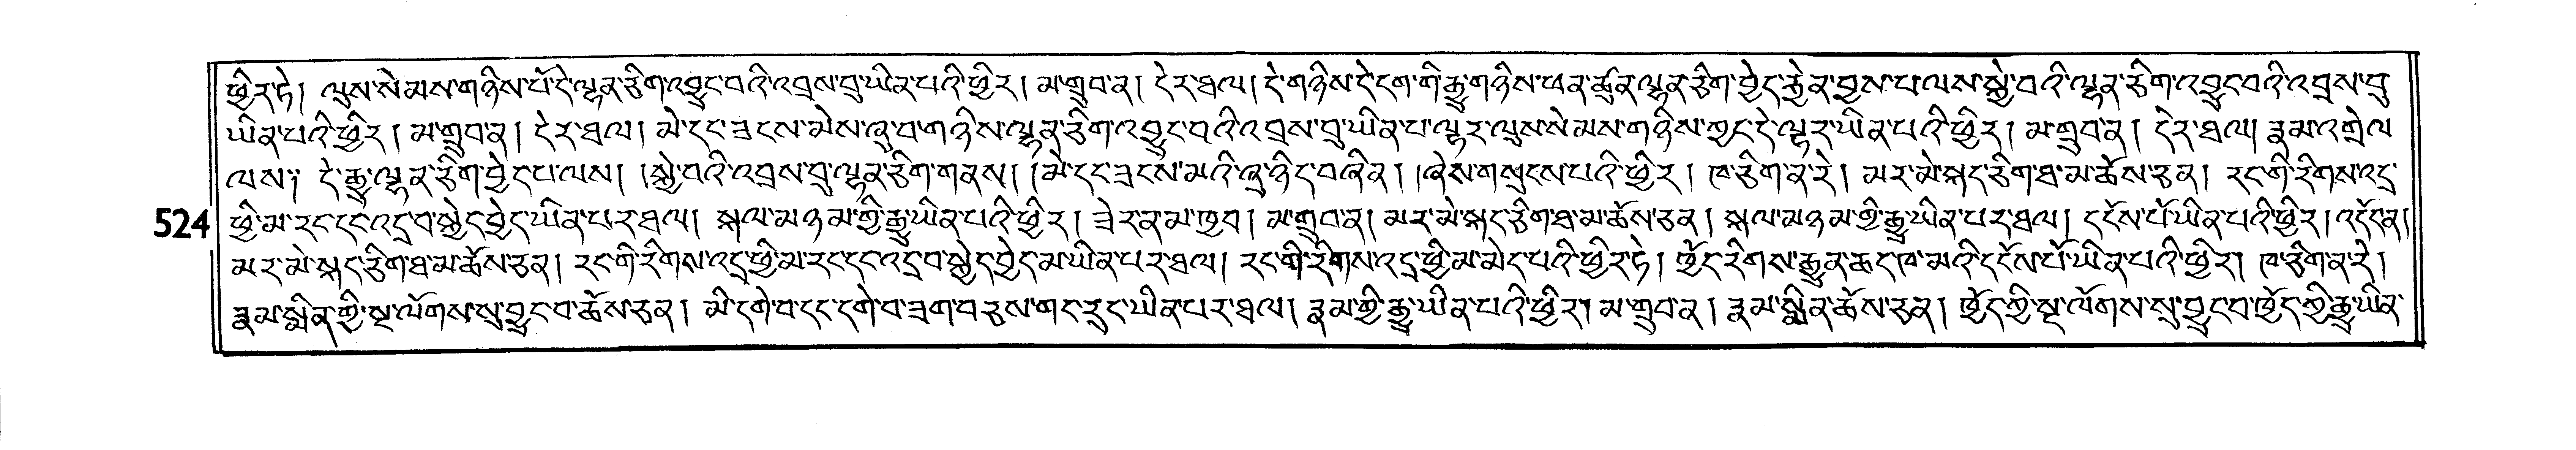ཕྱིར་ཏེ། ལུས་སེམས་གཉིས་པོ་དེ་ལྷན་ཅིག་འབྱུང་བའི་འབྲས་བུ་ཡིན་པའི་ཕྱིར། མ་གྲུབ་ན། དེར་ཐལ། དེ་གཉིས་དེ་དག་གི་རྒྱུ་གཉིས་ཕན་ཚུན་ལྷན་ཅིག་བྱེད་རྐྱེན་བྱས་པ་ལས་སྐྱེ་བའི་ལྷན་ཅིག་འབྱུང་བའི་འབྲས་བུ་
ཡིན་པའི་ཕྱིར། མ་གྲུབ་ན། དེར་ཐལ། མེ་དང་ཟངས་མེས་ཞུ་བ་གཉིས་ལྷན་ཅིག་འབྱུང་བའི་འབྲས་བུ་ཡིན་པ་ལྟར་ལུས་སེམས་གཉིས་ཀྱང་དེ་ལྟར་ཡིན་པའི་ཕྱིར། མ་གྲུབ་ན། དེར་ཐལ། རྣམ་འགྲེལ་
ལས༑ དེ་རྒྱུ་ལྷན་ཅིག་བྱེད་པ་ལས། །སྐྱེ་བའི་འབྲས་བུ་ལྷན་ཅིག་གནས། །མེ་དང་ཟངས་མའི་ཞུ་ཉིད་བཞིན། །ཞེས་གསུངས་པའི་ཕྱིར། ཁ་ཅིག་ན་རེ། མར་མེ་སྐད་ཅིག་ཐ་མ་ཆོས་ཅན། རང་གི་རིགས་འདྲ་
ཕྱི་མ་རང་དང་འདྲ་བ་སྐྱེད་བྱེད་ཡིན་པར་ཐལ། སྐལ་མཉམ་གྱི་རྒྱུ་ཡིན་པའི་ཕྱིར། ཟེར་ན་མ་ཁྱབ། མ་གྲུབ་ན། མར་མེ་སྐད་ཅིག་ཐ་མ་ཆོས་ཅན། སྐལ་མཉམ་གྱི་རྒྱུ་ཡིན་པར་ཐལ། དངོས་པོ་ཡིན་པའི་ཕྱིར། འདོད་ན།
མར་མེ་སྐད་ཅིག་ཐ་མ་ཆོས་ཅན། རང་གི་རིགས་འདྲ་ཕྱི་མ་རང་དང་འདྲ་བ་སྐྱེད་བྱེད་མ་ཡིན་པར་ཐལ། རང་གི་རིགས་འདྲ་ཕྱི་མ་མེད་པའི་ཕྱིར་ཏེ། ཁྱོད་རིགས་རྒྱུན་ཆད་ཁ་མའི་དངོས་པོ་ཡིན་པའི་ཕྱིར། ཁ་ཅིག་ན་རེ།
རྣམ་སྨིན་གྱི་སྔ་ལོགས་སུ་བྱུང་བ་ཆོས་ཅན། མི་དགེ་བ་དང་དགེ་བ་ཟག་བཅས་གང་རུང་ཡིན་པར་ཐལ། རྣམ་གྱི་རྒྱུ་ཡིན་པའི་ཕྱིར། མ་གྲུབ་ན། རྣམ་སྨིན་ཆོས་ཅན། ཁྱོད་ཀྱི་སྔ་ལོགས་སུ་བྱུང་བ་ཁྱོད་ཀྱི་རྒྱུ་ཡིན་